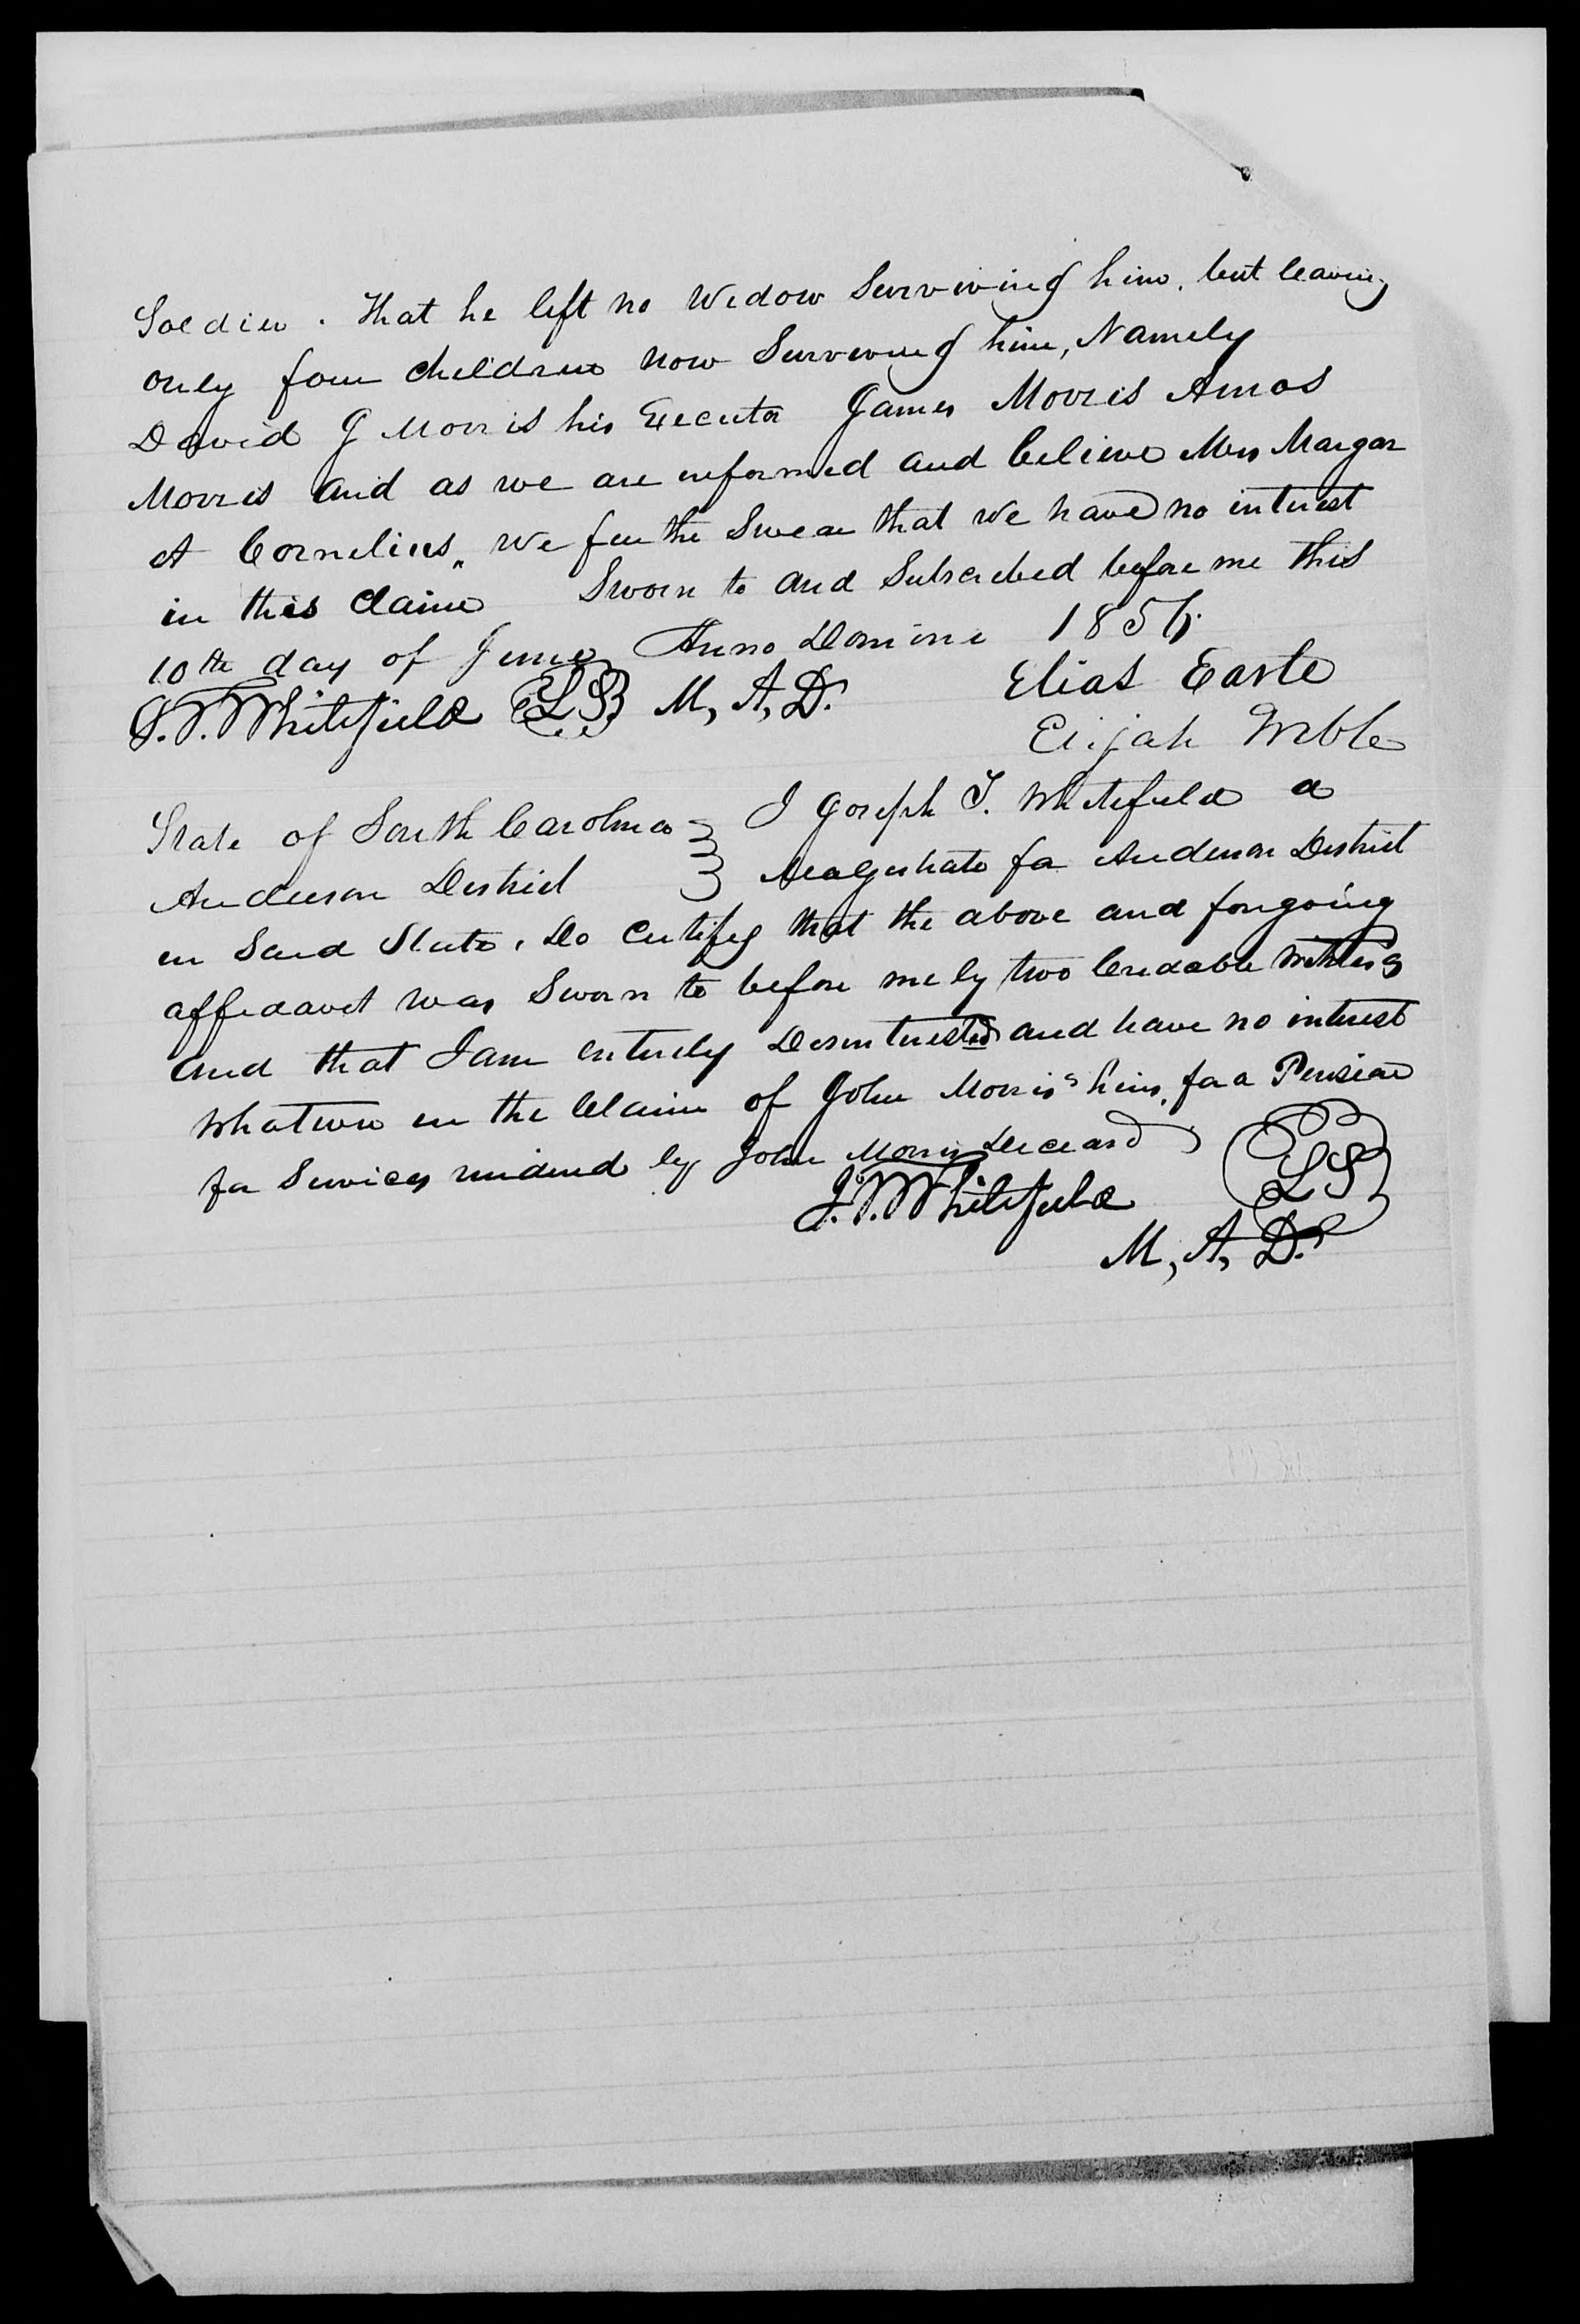Soldier: That he left no widow surviving him, but leaving only four children now surviving him, Namely
David Morris his Executor James Morris, Amos Morris and as we are informed and believe Mrs Margaret
Cornelius, we [Illegible] swear that we have no interest in this claim
Sworn to and subscribed before me this 10th day of June Anno Domini 1856 s/ JT Whitfield M.A.D.
Elias Earle, Elijah Webb

State of South Carolina
Anderson District
I Joseph T. Whitefield a Magistrate for Anderson District in said State, do certify that the above and foregoing
affidavit was sworn to before me by two credable witnesses and that I am entirely disinterested and have no interest whatever in the claim of John Morriss heirs for a Pension for services rendered by John Morris deceased s/ JT Whitfield MAD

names: Amos Morris; Elijah Webb; John Morris; Joseph T Whitefield; James Morris; David J Morris; Margaret Cornelius; Elias Earle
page: 7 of 20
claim: rejected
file: R. 7407, for John Morriss, South Carolina